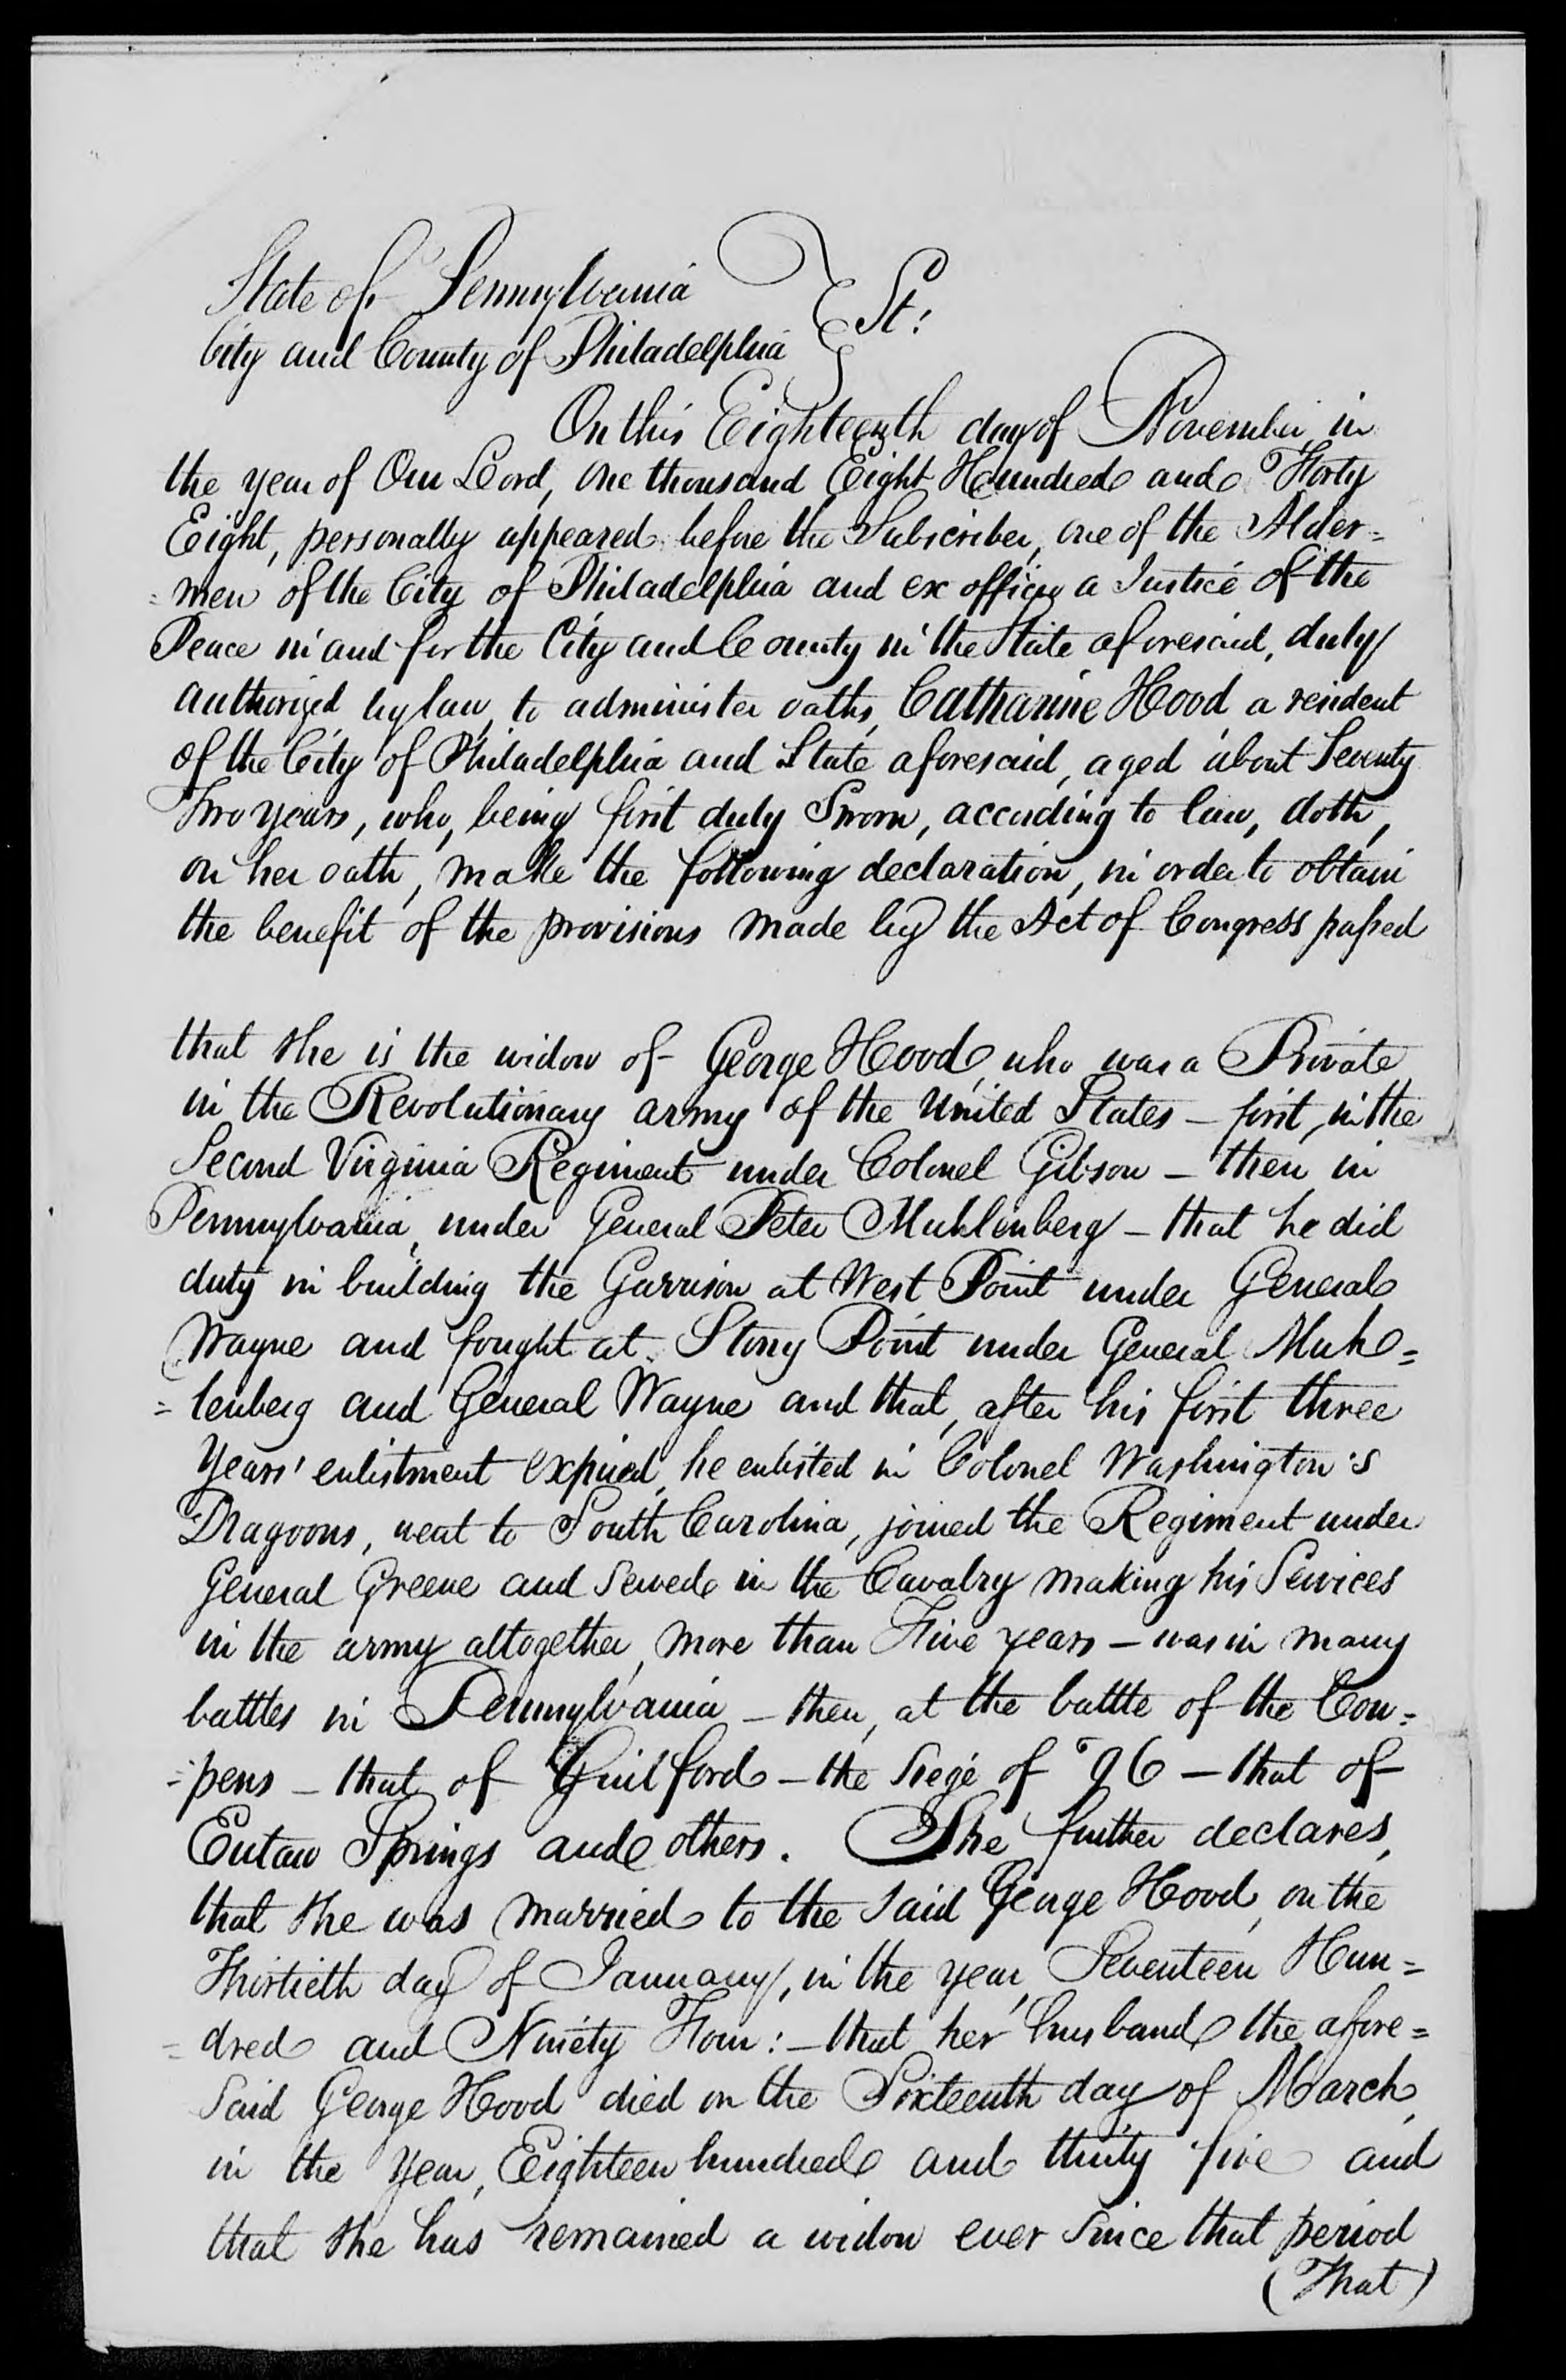State of Pennsylvania
City and County of Philadelphia

On this eighteenth day of November in the year of our Lord, one thousand eight hundred and thirty eight, personally appeared before the subscriber, one of the Aldermen of the City of Philadelphia and ex officio a Justice of the Peace in and for the City and County in the State aforesaid, duly authorized by law to administer oath, Catharine Hood, a resident of the City of Philadelphia and State aforesaid aged about seventy two years, who, being first duly sworn, according to law, doth on her oath, make the following declaration in order  to obtain the benefit of the pensions made by the Act of Congress passed. 
That she is the widow of George Hood, who was a Private in the Revolutionary Army of the United States, first in the Second Virginia Regiment under Col. Gibson, then in Pennsylvania under General Peter Muhlenberg, that he did duty in building the garrison at West Point under General Wayne and fought at Stony Point under General Muhlenberg and General Wayne and that after his first three years enlistment expired he enlisted in Colonel Washington’s Dragoons, went to South Carolina, joined the Regiment under General Greene and served in the Cavalry, making his services in the Army altogether more than five years, was in many battles in Pennsylvania, then at the Battle of Cowpens, that of Guilford Courthouse, the Siege of Ninety-Six, that of Eutaw Springs, and others. She further declares that she was married to the said George Hood on the thirtieth day of January, in the year seventeen hundred and ninety three; that her husband the aforesaid George Hood died on the sixteenth day of March in the year eighteen hundred and thirty five and that she has remained a widow ever since that period (that)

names: Muhlenberg, George Hood, Gibson, Catharine Hood, George Hood, Wayne, George Hood, Wayne, Greene, Peter Muhlenberg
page: 32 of 51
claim: widow's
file: W 8939, George Hood, Continental Va.